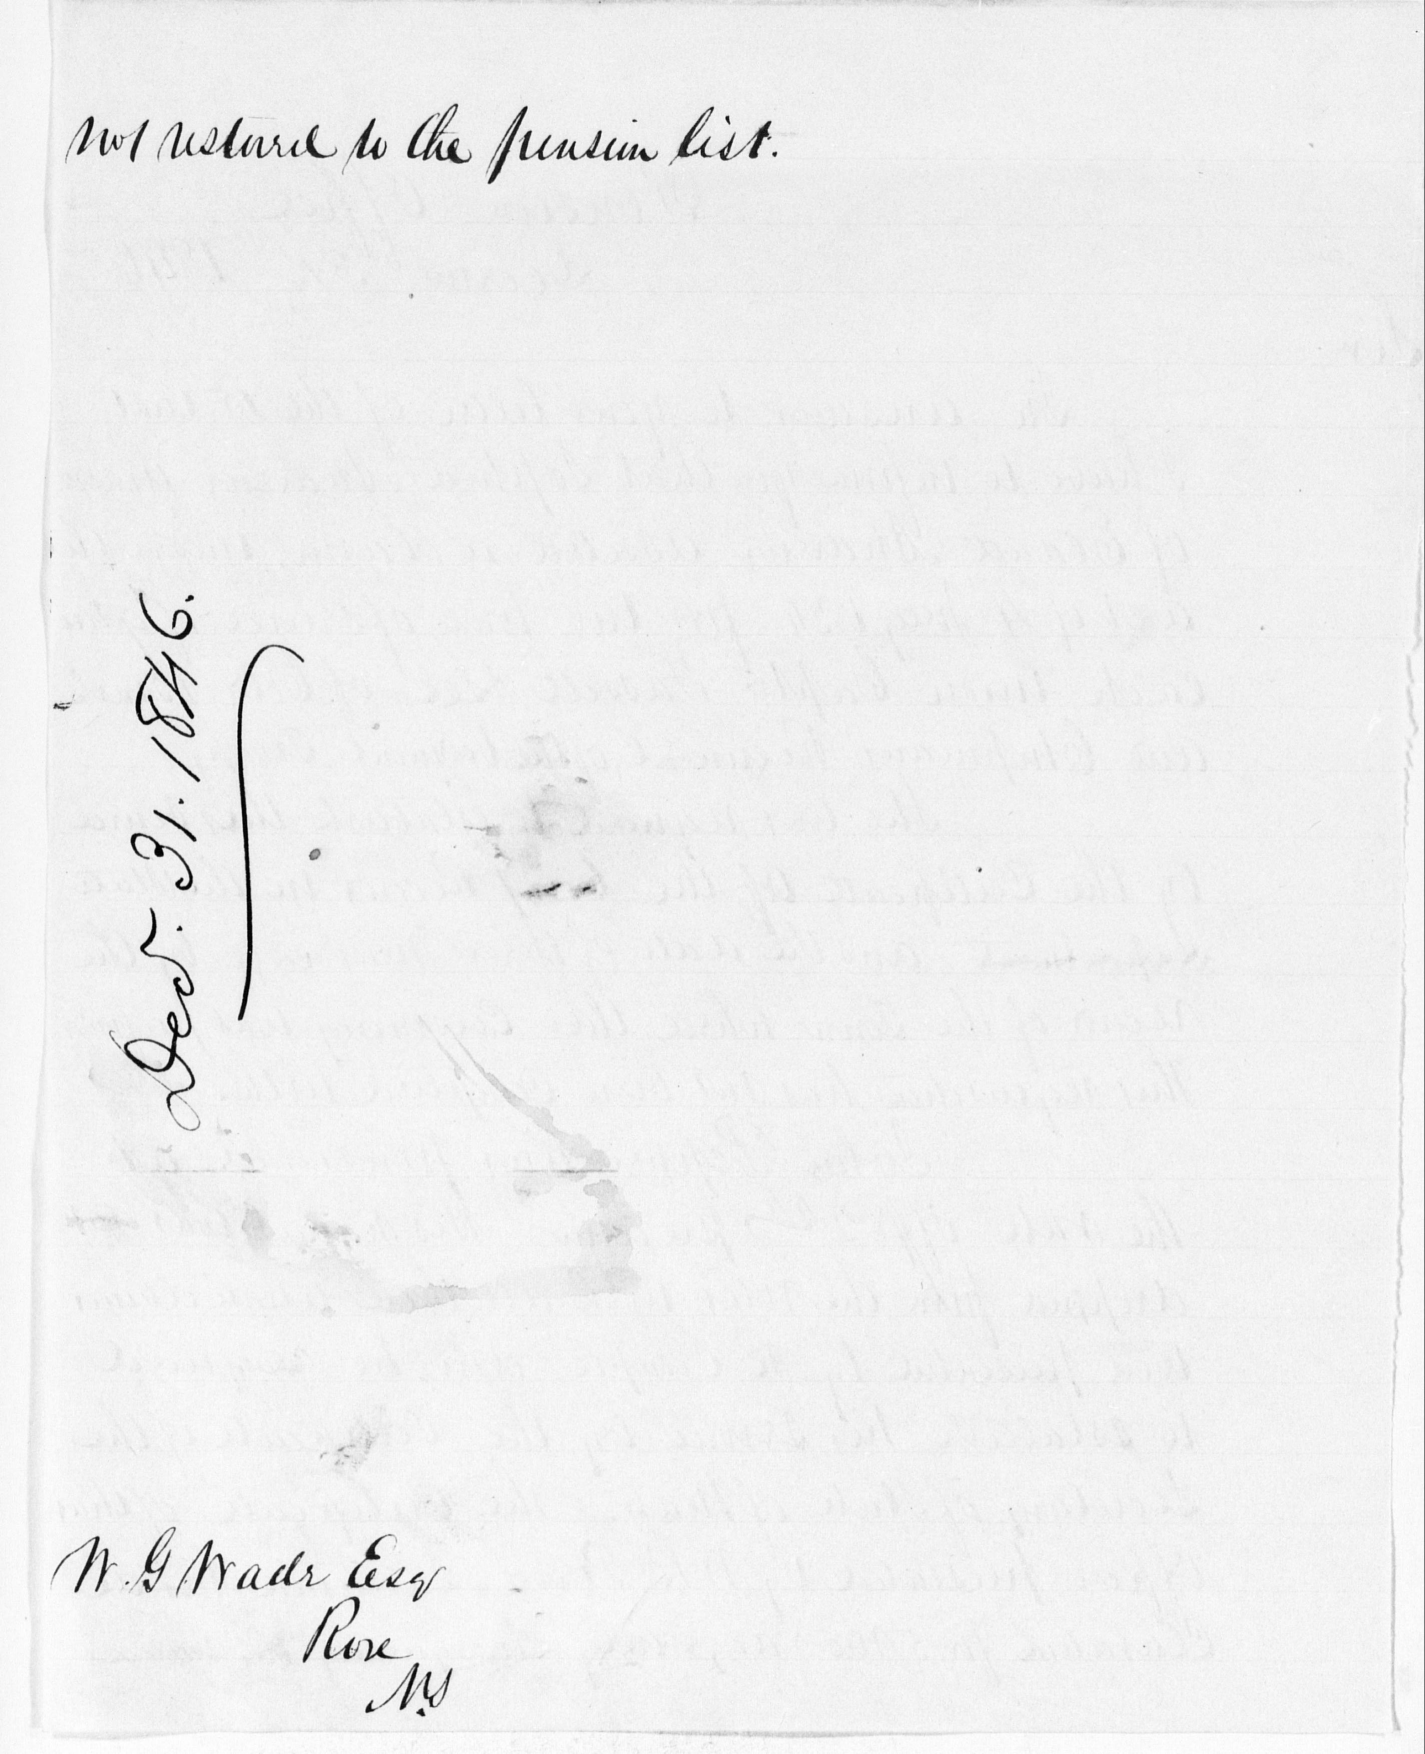not restored to the pension list

Dec. 31. 1846

W. G. Wade Esq
Rose, N.Y.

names: W G Wade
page: 18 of 27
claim: rejected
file: R. 223, Eldad Andrus, Vt.